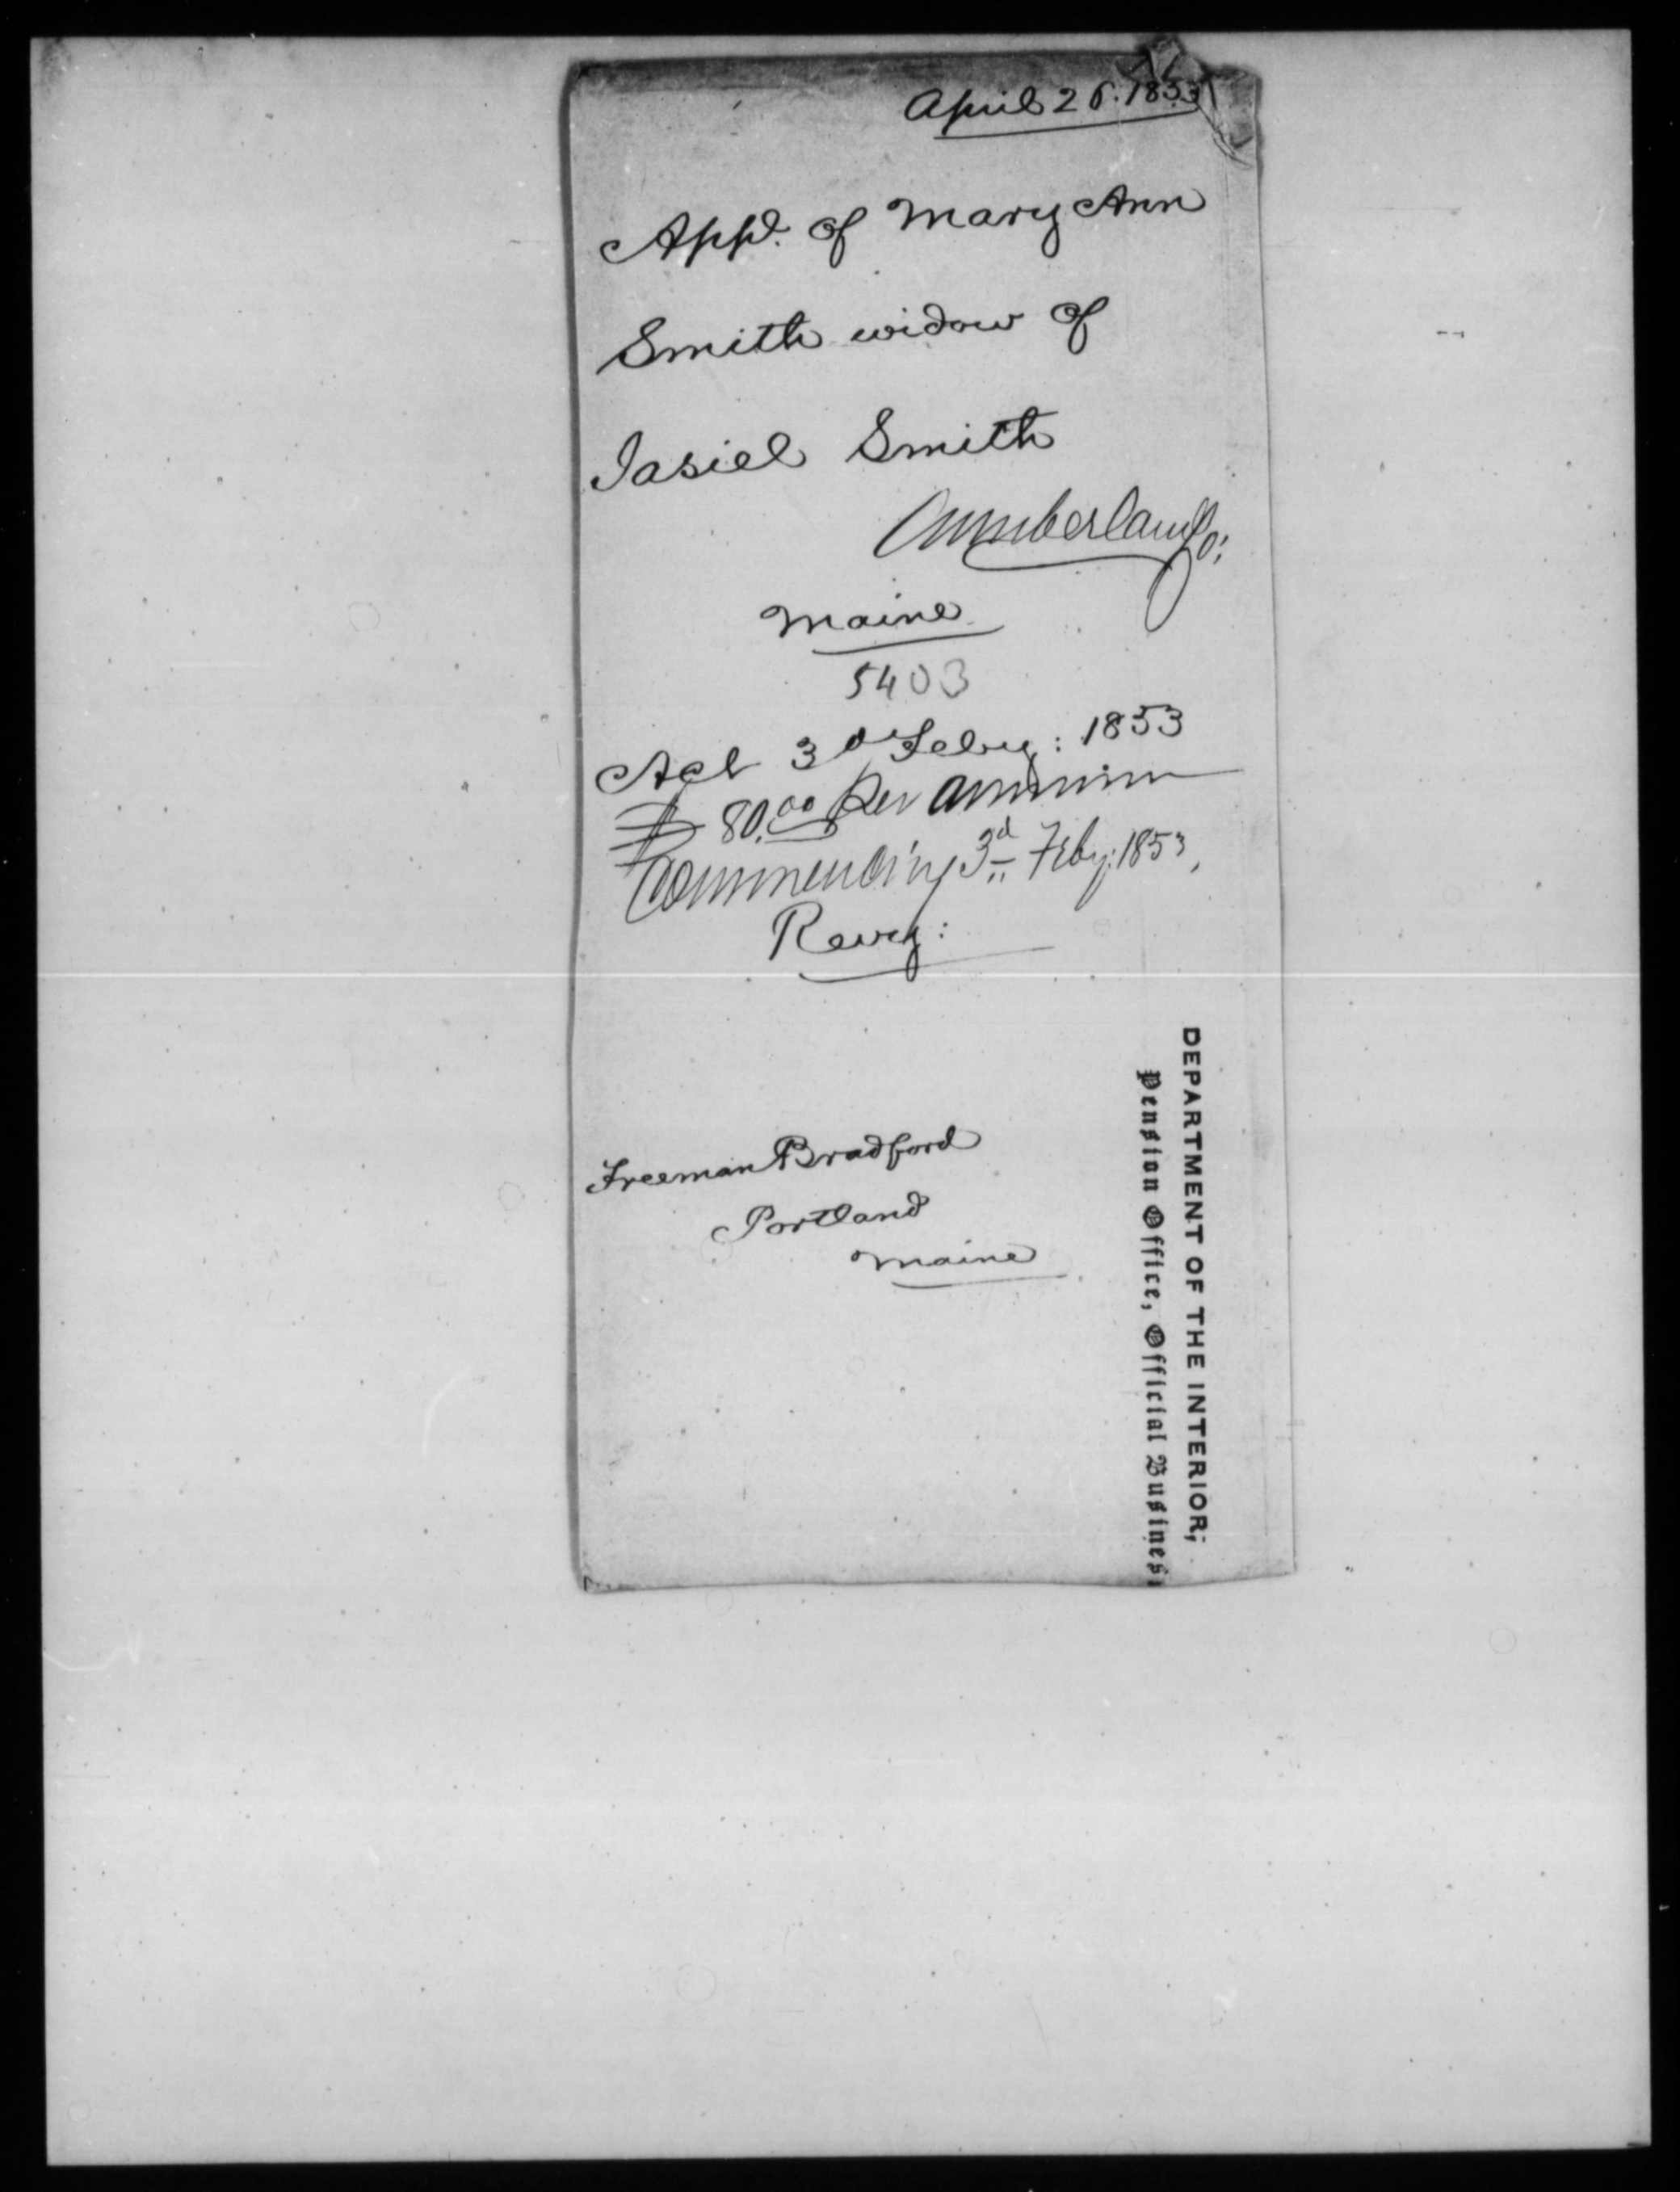April 26 1833
Appl. of Mary Ann Smith widow of Jasiel Smith 
[illegible]
Maine 
5403
Act 3d Feby: 1853
$80.00 per ANNUM
COMMENCING 3d Feby 1853, 
Revy:
Freeman Bradford
Portland
Maine
Department of the Interior; Pension Office, Official Business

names: Freeman Bradford; Mary Ann Smith; Jasiel Smith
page: 2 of 20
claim: widow's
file: W 2362, for Jasiel Smith, Massachusetts